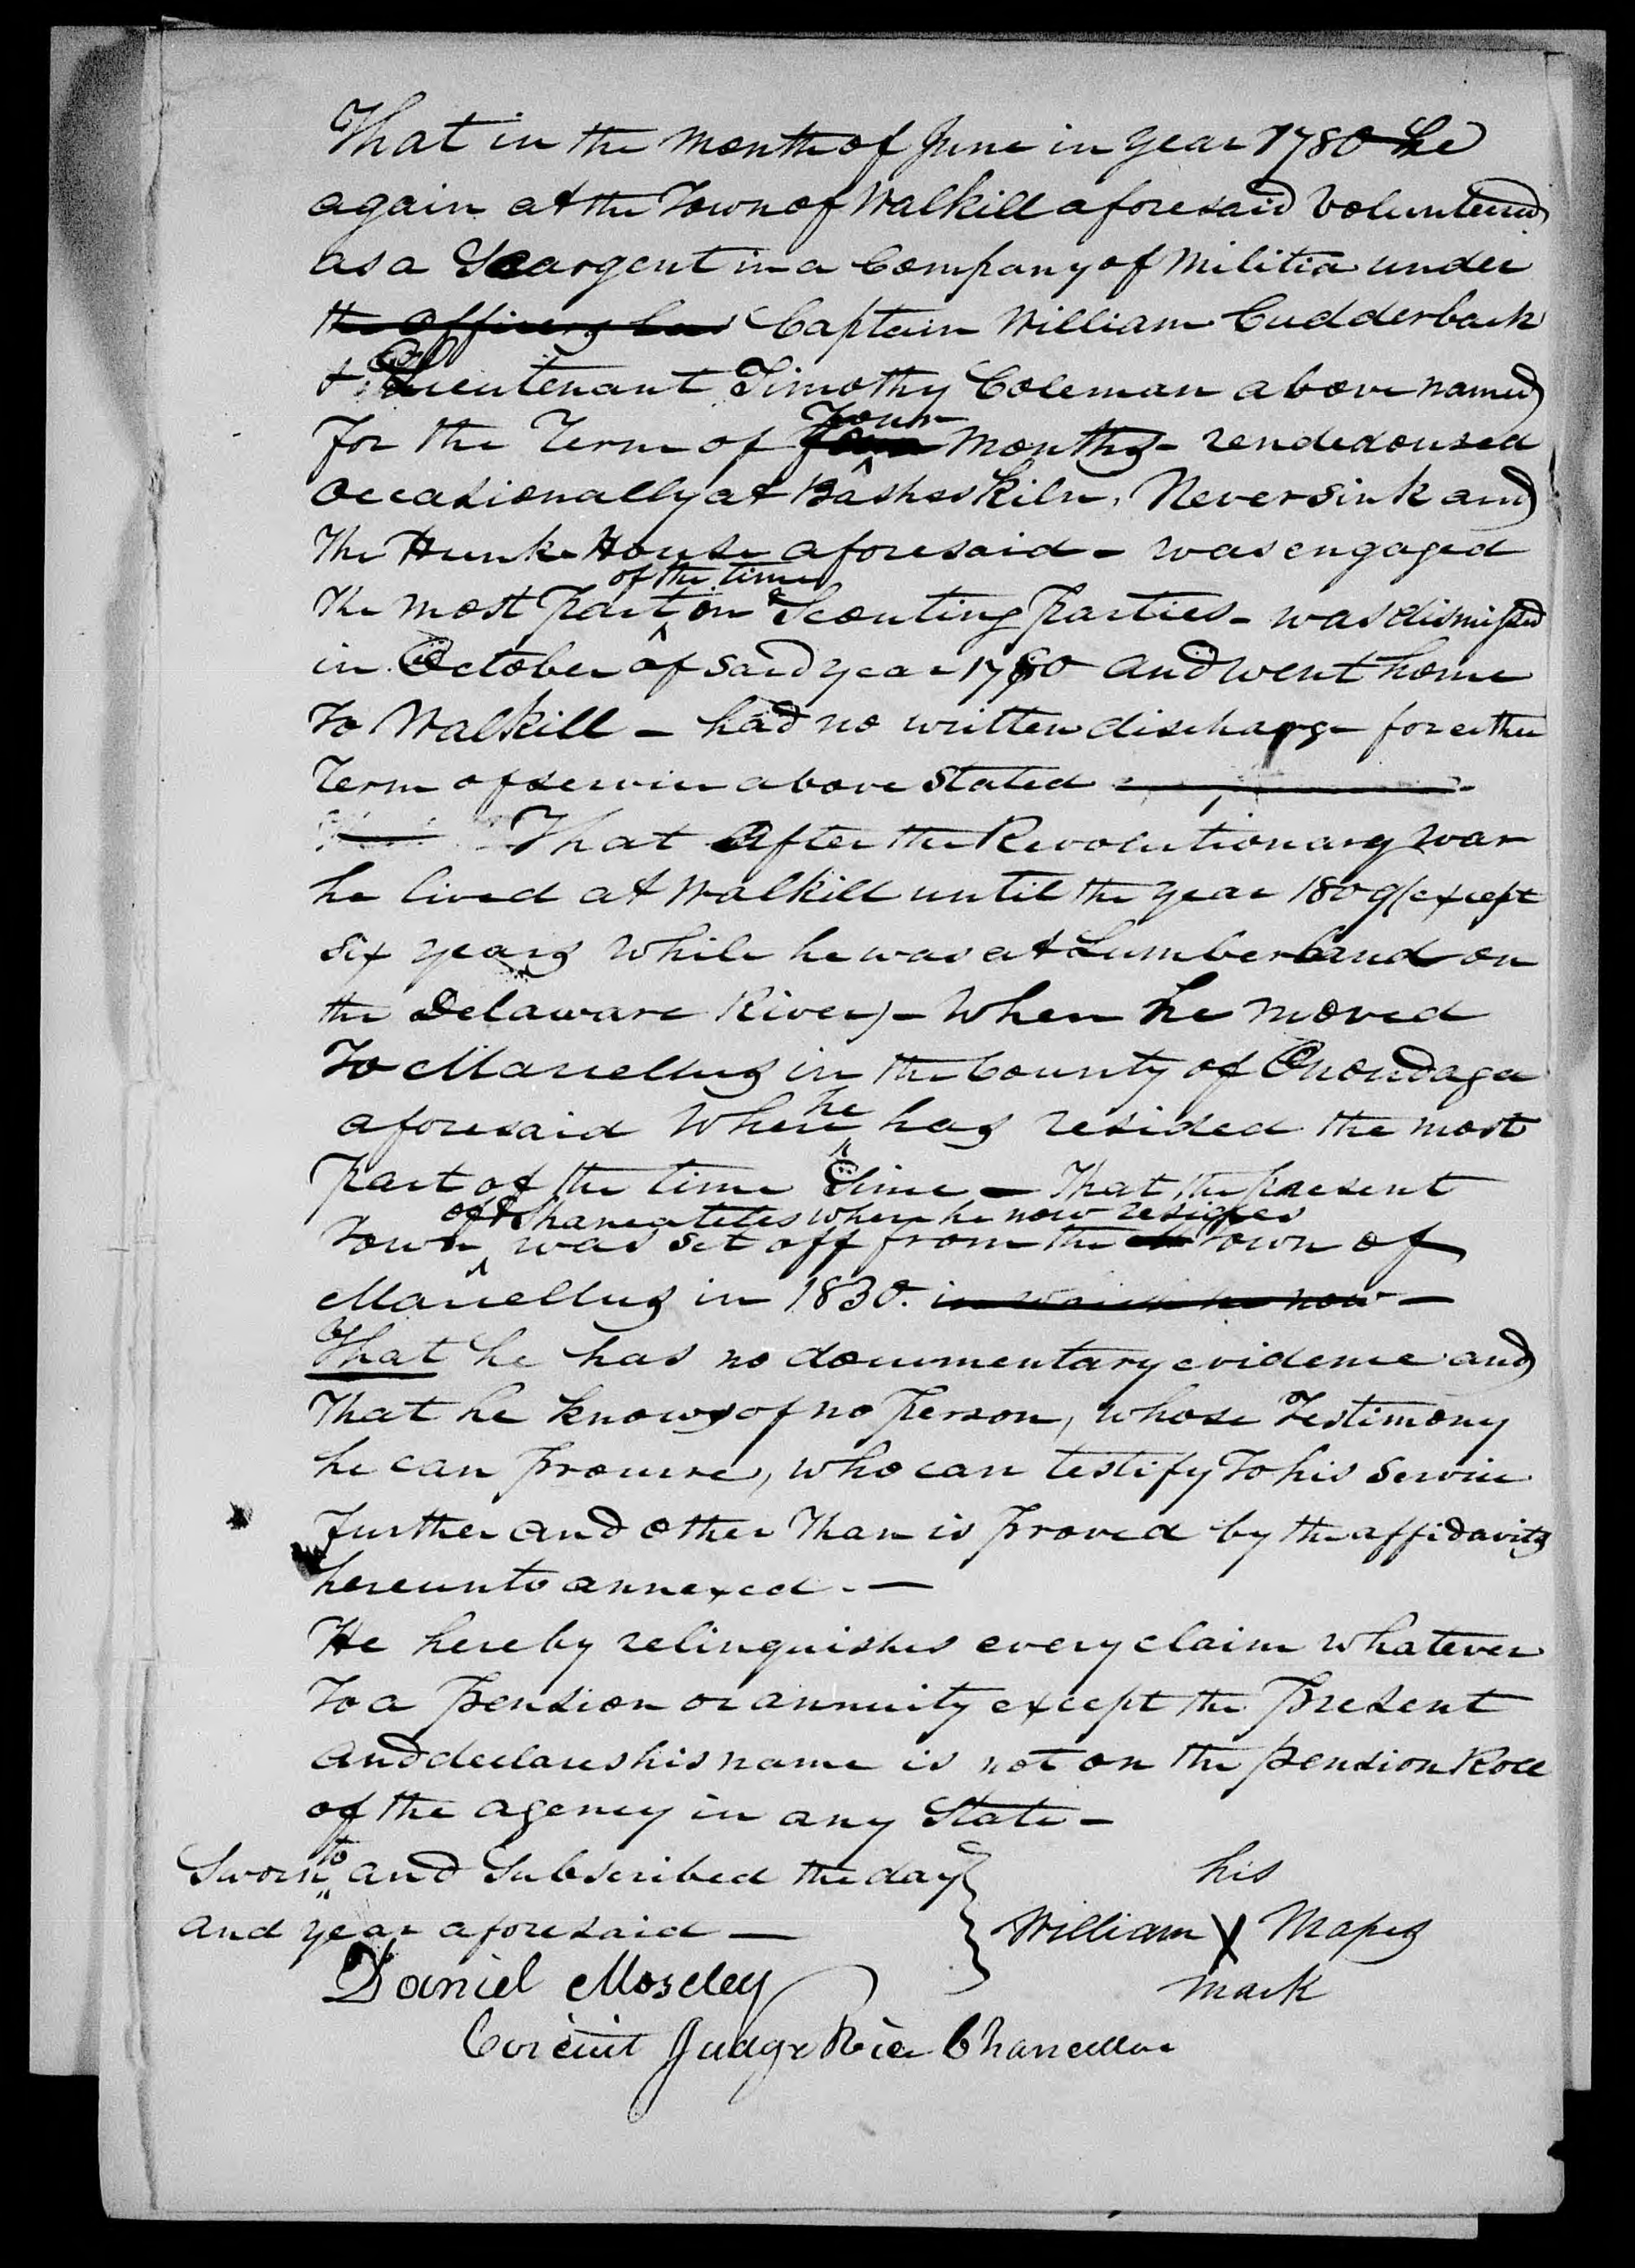That in the month of June in year 1780 he again at the Town of Wallkill aforesaid volunteered as a Seargent in a company of Militia under Captain William Cuddeback & Lieutenant Timothy Coleman above named for the term of four months - 
rendevoused occasionally at Basheskiln, Neversink and --- The Hunk House aforesaid - was engaged the most part of the time on Scouting parties-- was dismissed in October of said year 1780 and went home to Walkill-- had no written discharge for either Term of service above stated- 
That after the Revolutionary war he lived at Walkill until the year 1809 (except Six years while he was at Lumberland on the Delaware River), when he moved To Marcellus in the County of Onondaga aforesaid he  has resided the most part of the time since,- 
That the present town of  Skaneateles where he now resides was set off from the Town of Marcellus in 1830. 
That he has no documentary evidence and That he knows of no person, whose testimony he can procure, who can testify to his service further and other than is proved by the affidavits hereunto annexed.- 
He hereby relinquishes every claim whatever to a pension or annuity except the present and declares his name is not on the pension Roll of the agency in any State  - 
William Mapes
his X   Mark 

Swrorn to and subscribed} 
the day and year aforesaid} 
Daniel Moseley Circuit Judge Vice Chancellor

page: 16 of 30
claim: survivor's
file: S. 13,873, for William Mapes, New York